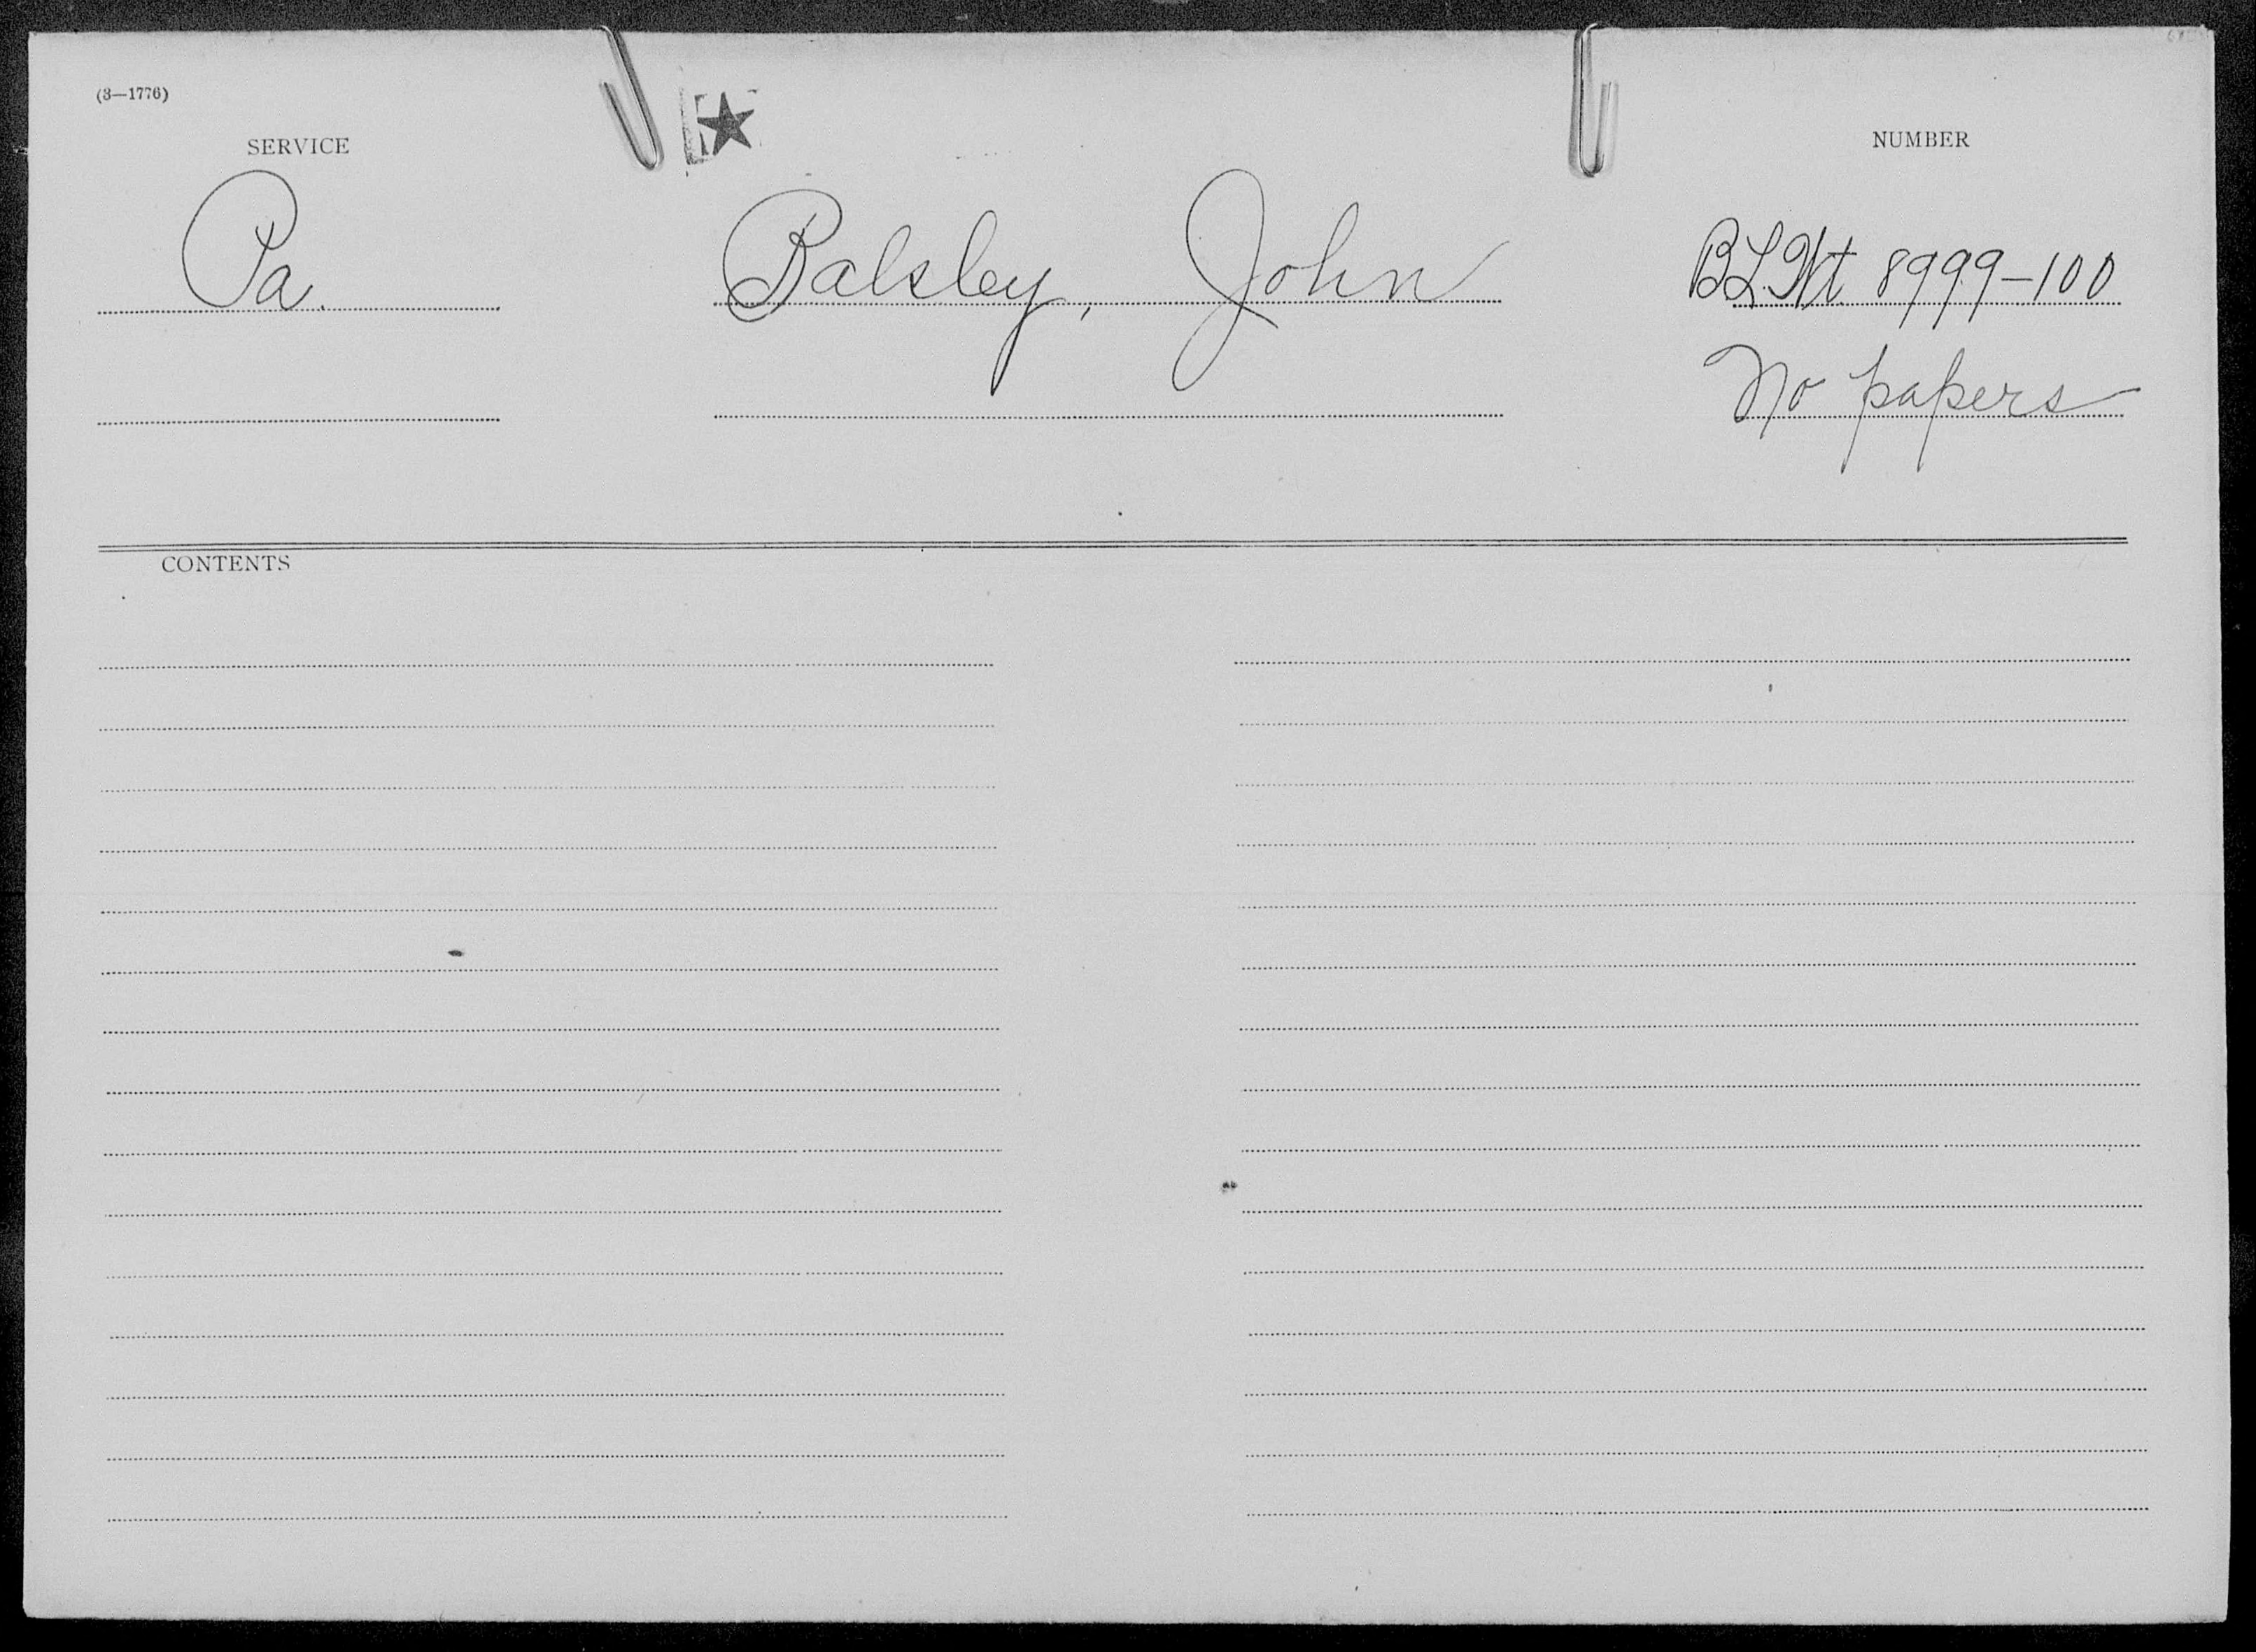(3 - 1776)
SERVICE
Pa
CONTENTS
Balsley, John

B.L. Wt 8999-100
No papers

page: 1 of 4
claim: bounty land warrant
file: Bl Wt 8999-100, John Balsley, Pa.